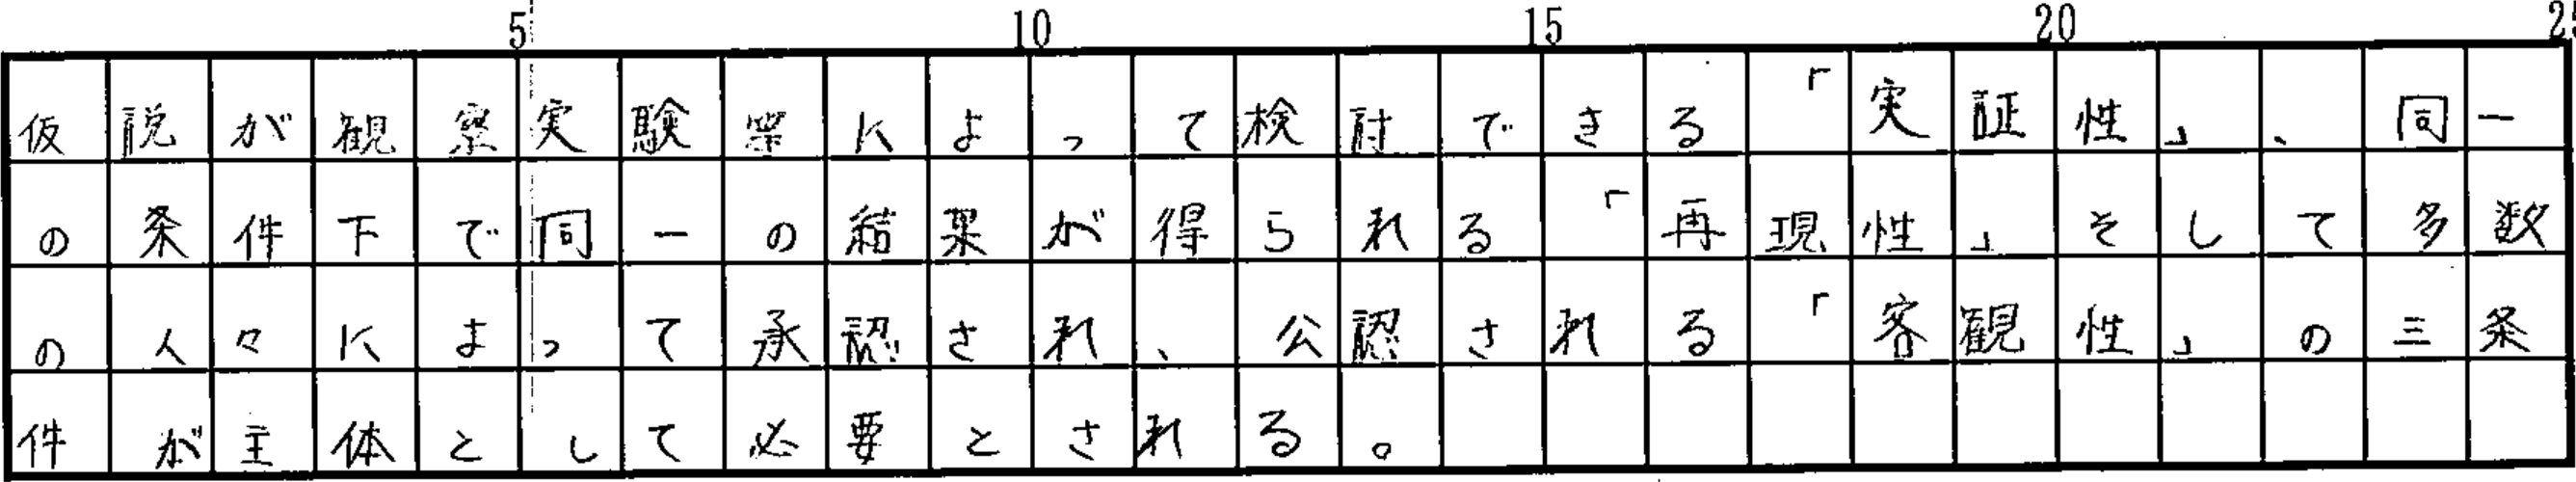仮説が観察実験等によって検討できる「実証性」、同一の条件下で同一の結果が得られる「再現性」そして多数の人々によって承認され、公認される「客観性」の三条件が主体として必要とされる。
